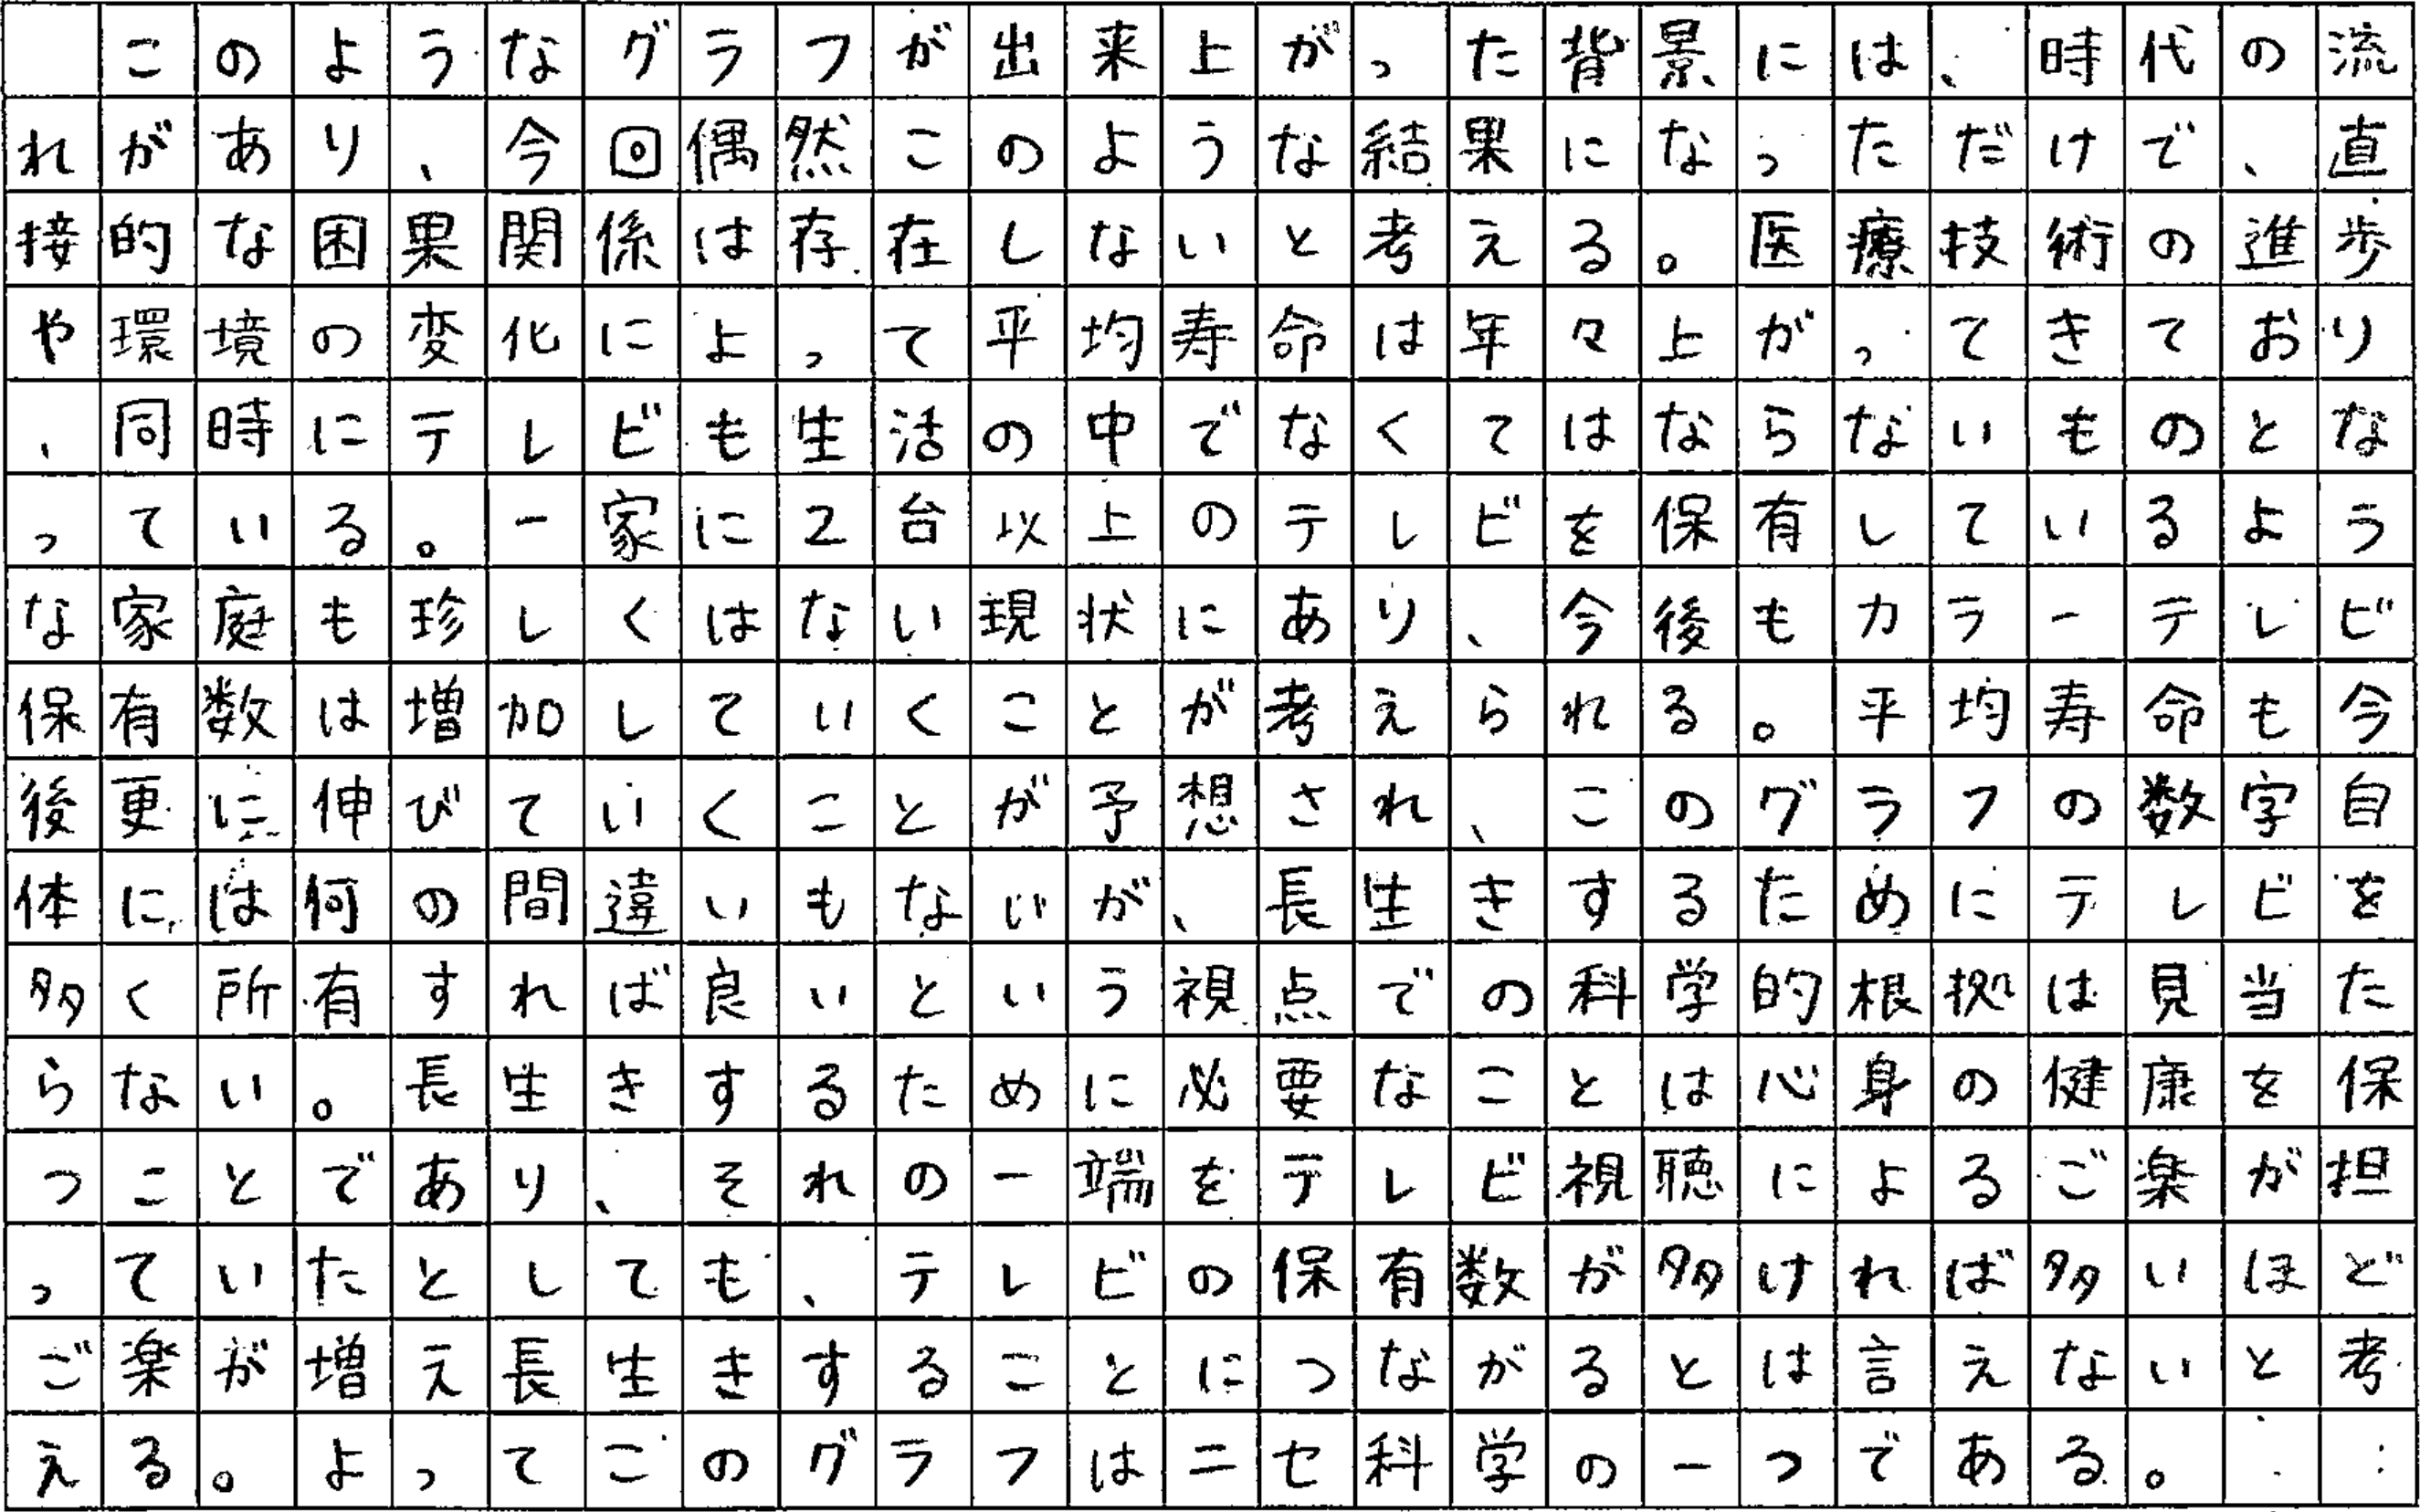　このようなグラフが出来上がった背景には、時代の流れがあり、今回偶然このような結果になっただけで、直接的な因果関係は存在しないと考える。医療技術の進歩や環境の変化によって平均寿命は年々上がってきており、同時にテレビも生活の中でなくてはならないものとなっている。一家に２台以上のテレビを保有しているような家庭も珍しくはない現状にあり、今後もカラーテレビ保有数は増加していくことが考えられる。平均寿命も今後更に伸びていくことが予想され、このグラフの数字自体には何の間違いもないが、長生きするためにテレビを多く所有すれば良いという視点での科学的根拠は見当たらない。長生きするために必要なことは心身の健康を保つことであり、それの一端をテレビ視聴によるご楽が担っていたとしても、テレビの保有数が多ければ多いほどご楽が増え長生きすることにつながるとは言えないと考える。よってこのグラフはニセ科学の一つである。
